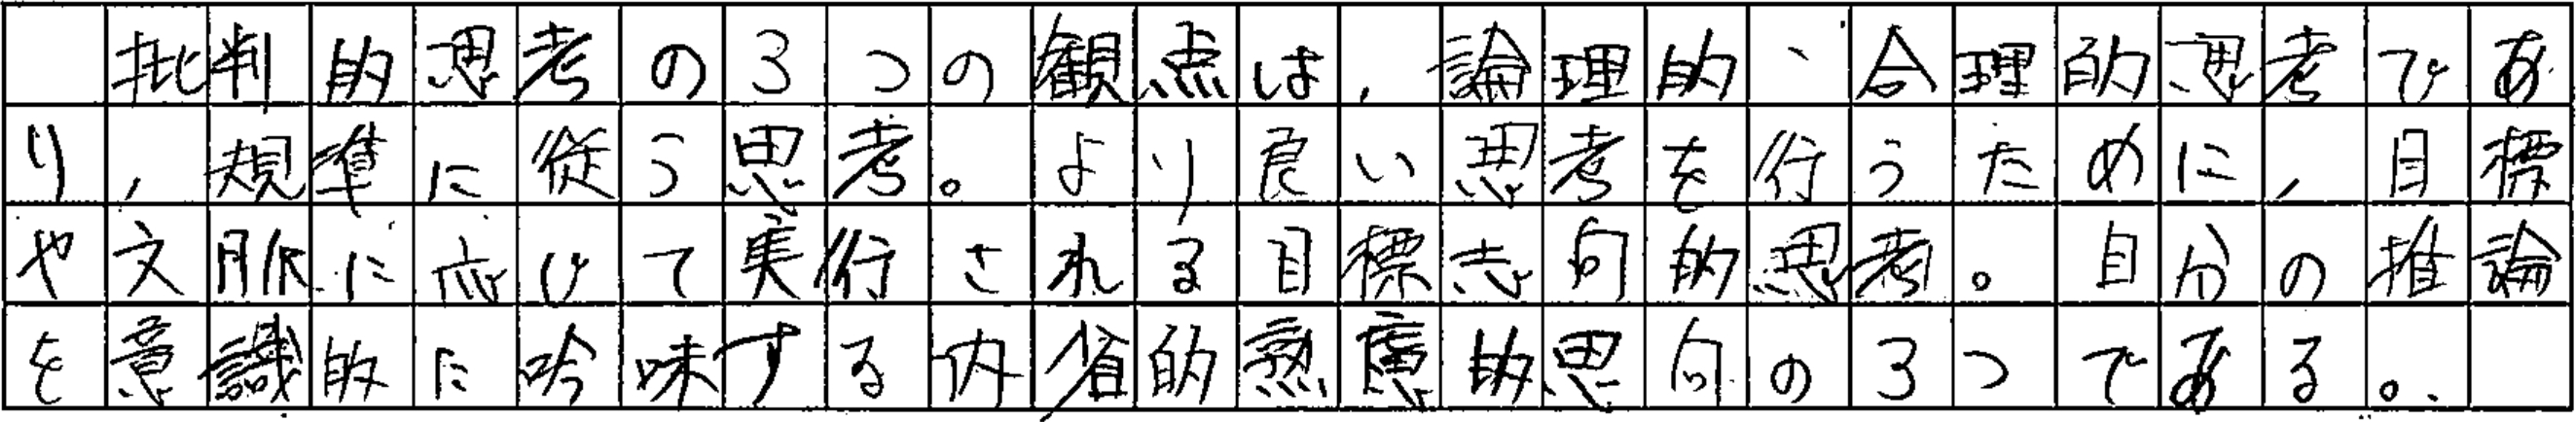　批判的思考の３つの観点は、論理的・合理的思考であり、規準に従う思考。より良い思考を行うために、目標や文脈に応じて実行される目標志向的思考。自分の推論を意識的に吟味する内省的熟慮的思向の３つである。
